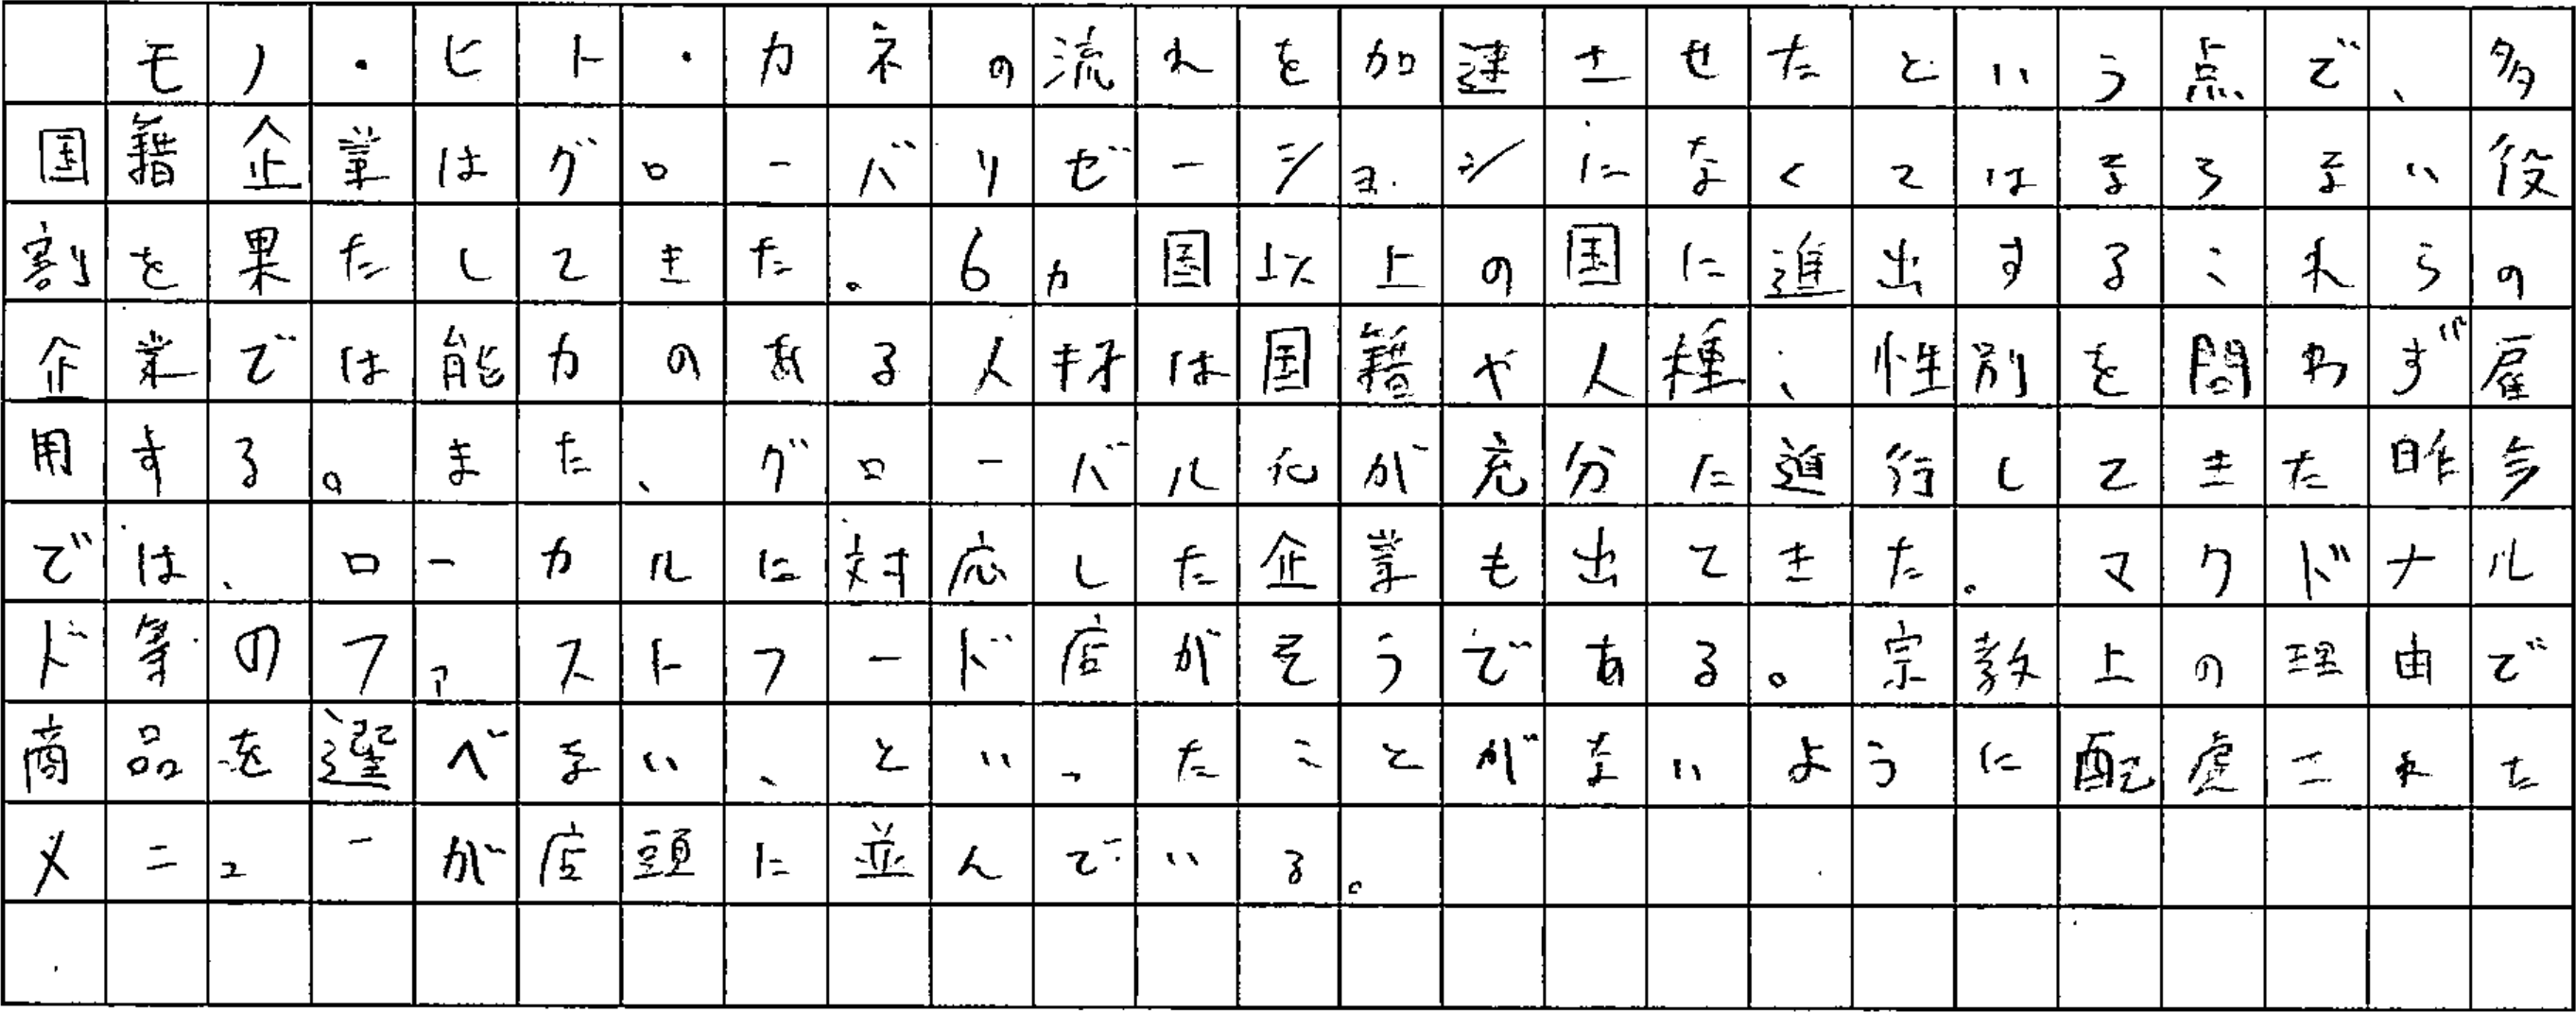　モノ・ヒト・カネの流れを加速させたという点で、多国籍企業はグローバリゼーションになくてはならない役割を果たしてきた。６ヵ国以上の国に進出するこれらの企業では能力のある人材は国籍や人種、性別を問わず雇用する。また、グローバル化が充分に進行してきた昨今では、ローカルに対応した企業も出てきた。マクドナルド等のファストフード店がそうである。宗教上の理由で商品を選べない、といったことがないように配慮されたメニューが店頭に並んでいる。
